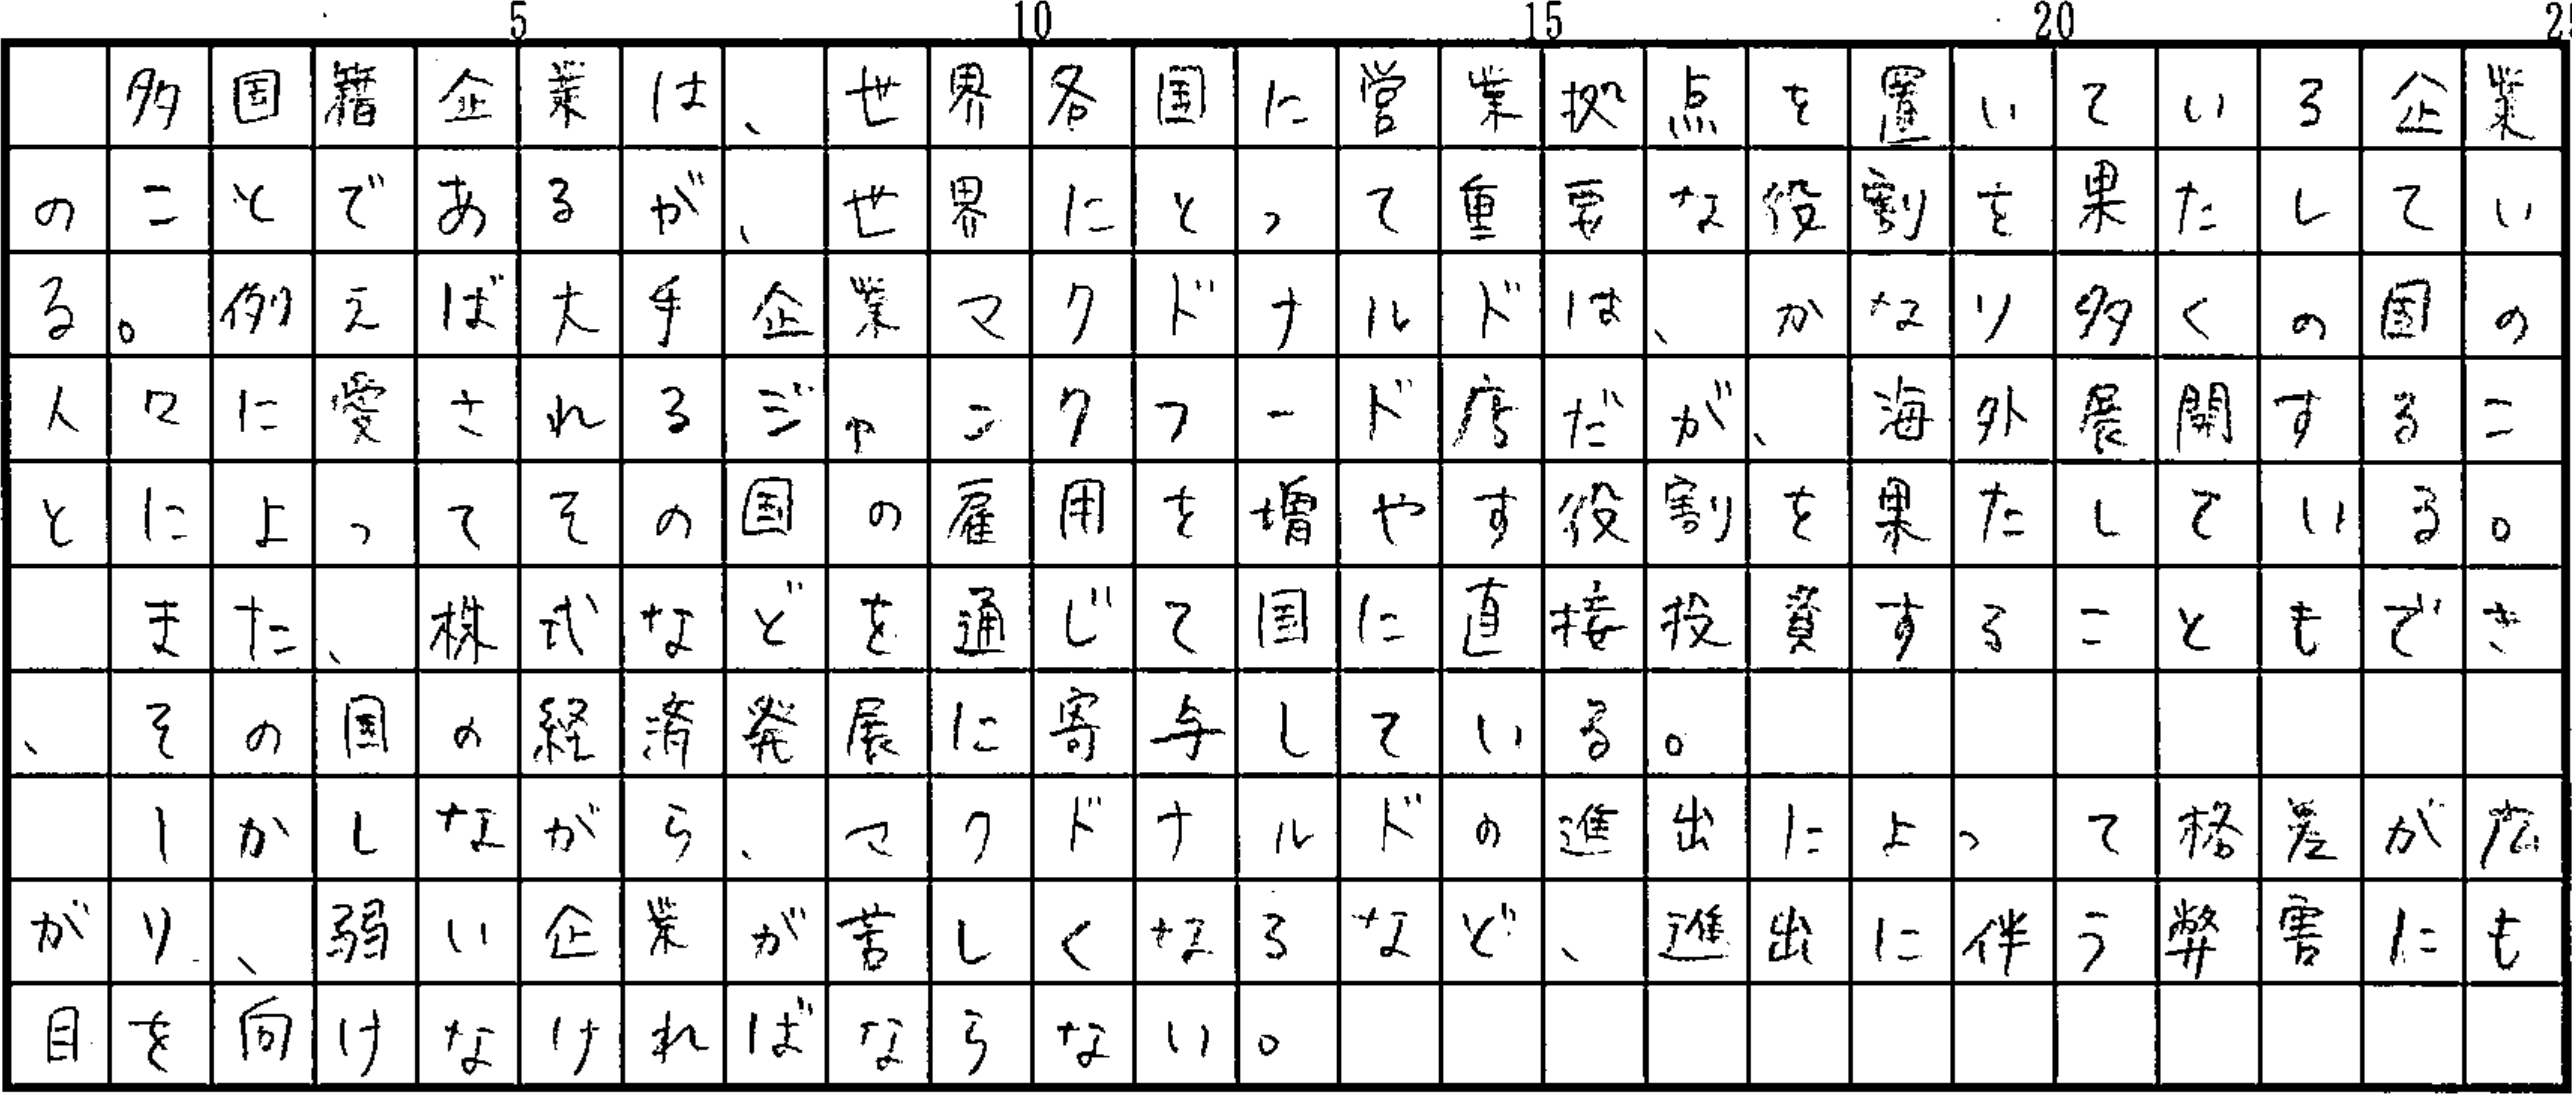　多国籍企業は、世界各国に営業拠点を置いている企業のことであるが、世界にとって重要な役割を果たしている。例えば大手企業マクドナルドは、かなり多くの国の人々に愛されるジャンクフード店だが、海外展開することによってその国の雇用を増やす役割を果たしている。
　また、株式などを通じて国に直接投資することもでき、その国の経済発展に寄与している。
  しかしながら、マクドナルドの進出によって格差が広がり、弱い企業が苦しくなるなど、進出に伴う弊害にも目を向けなければならない。
